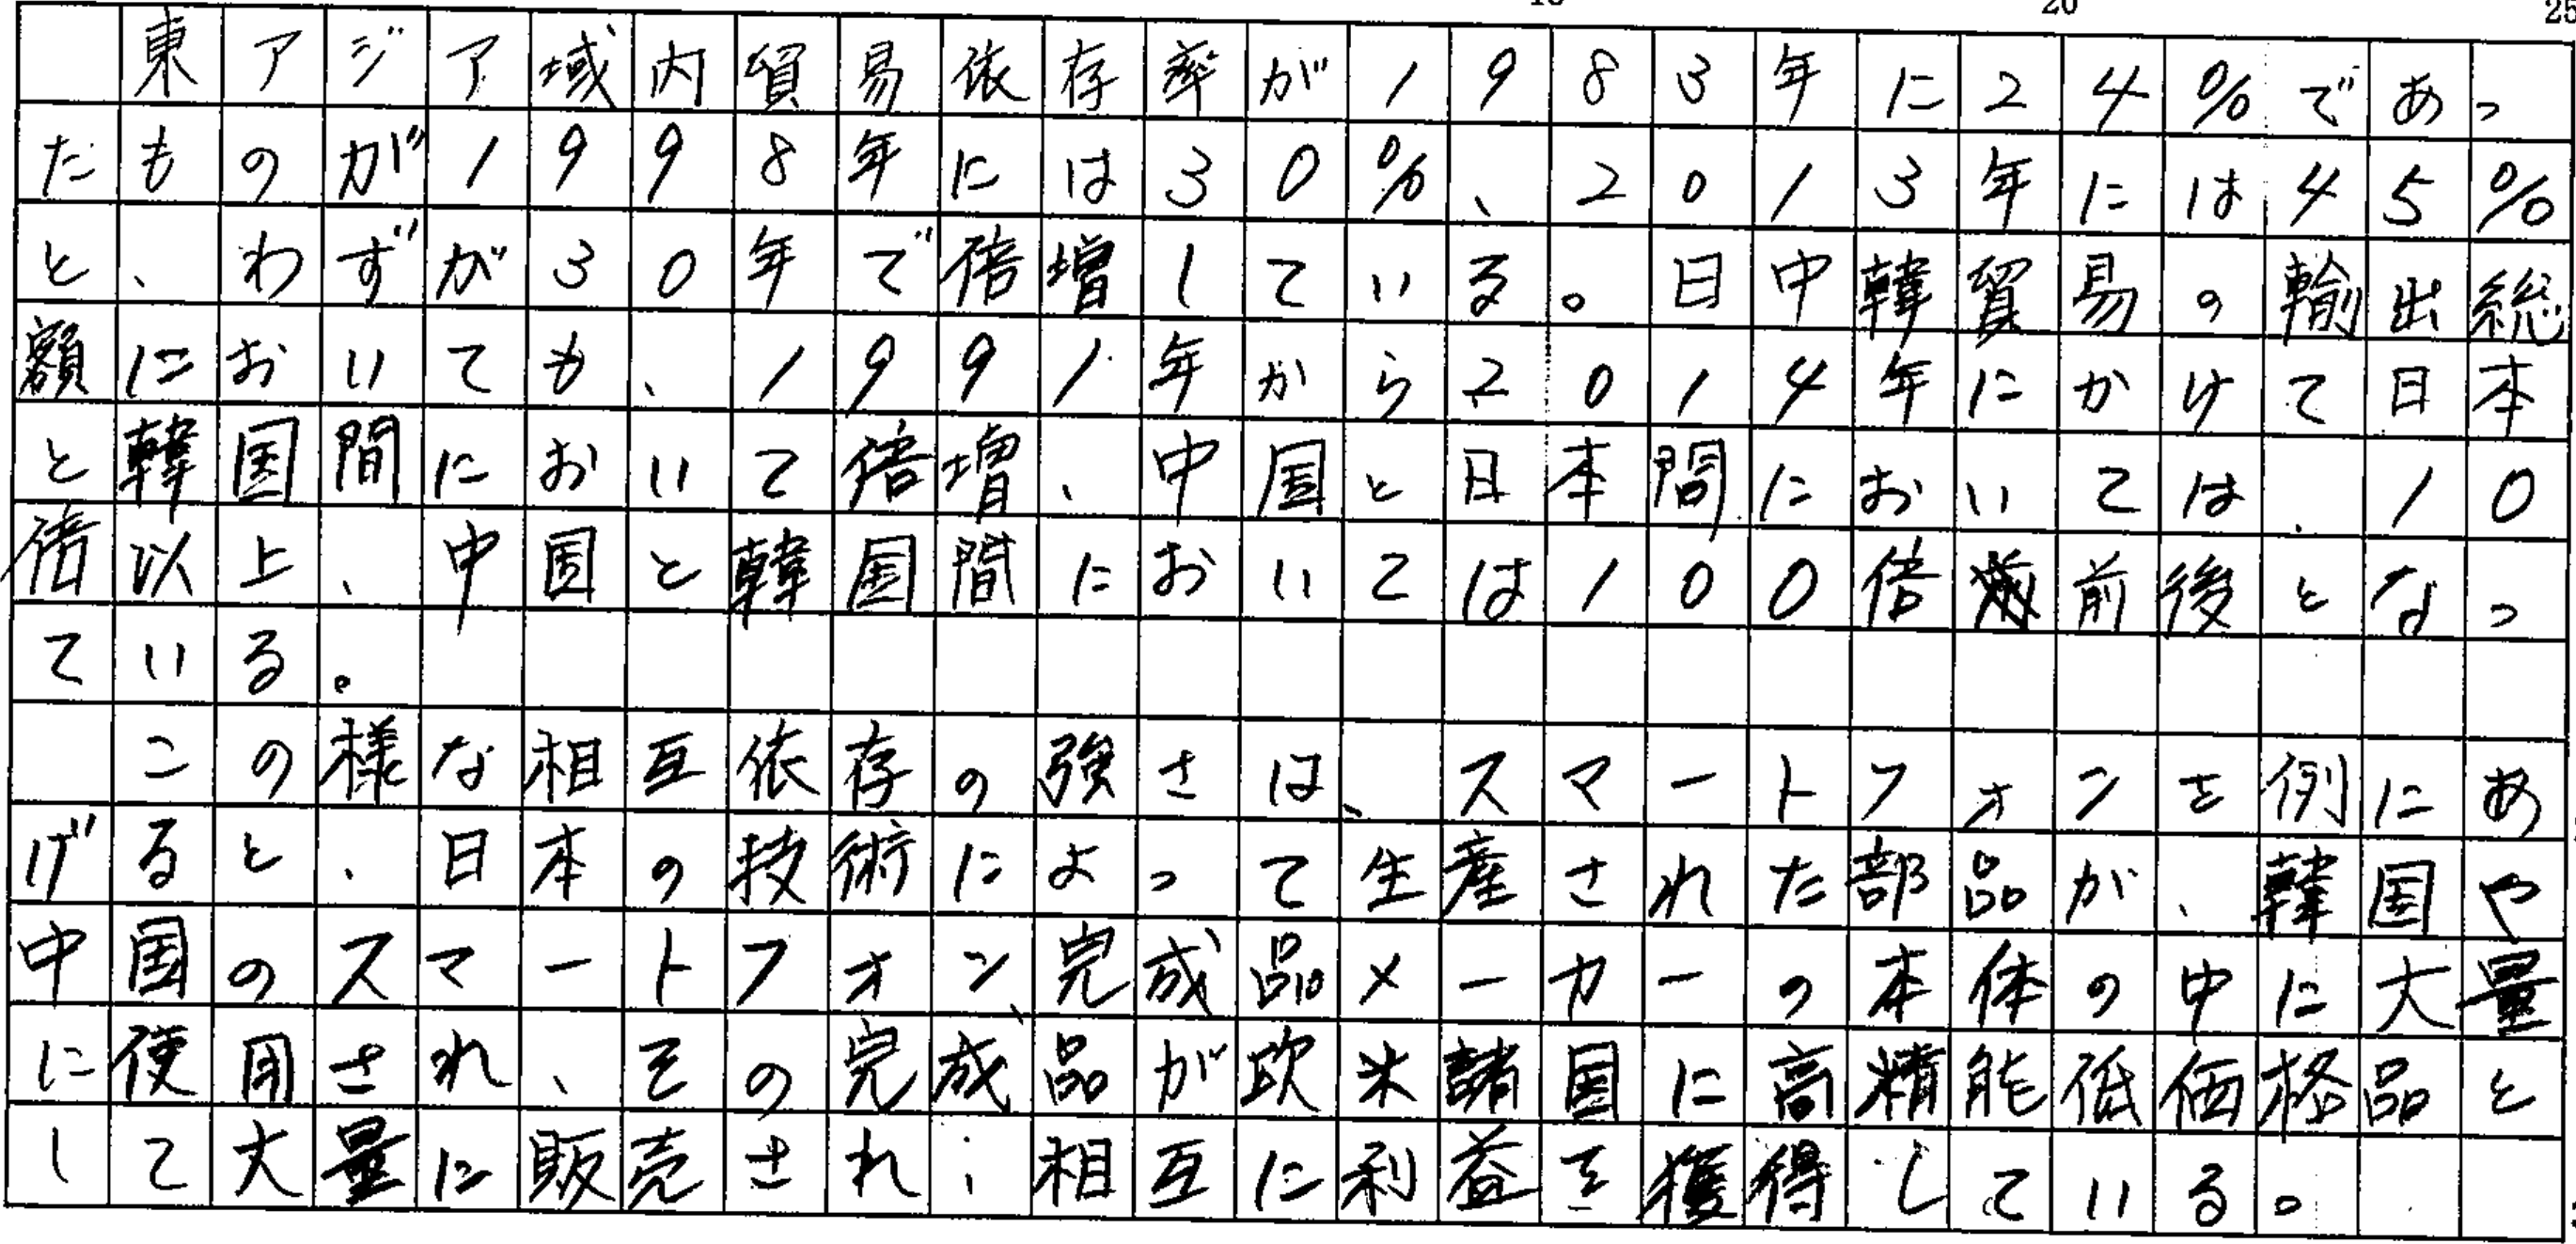　東アジア域内貿易依存率が１９８３年に２４％であったものが１９９８年には３０％、２０１３年には４５％と、わずが３０年で倍増している。日中韓貿易の輸出総額においても、１９９１年から２０１４年にかけて日本と韓国間において倍増、中国と日本間においては、１０倍以上、中国と韓国間においては１００倍前後となっている。
　この様な相互依存の強さは、スマートフォンを例にあげると、日本の技術によって生産された部品が、韓国や中国のスマートフォン完成品メーカーの本体の中に大量に使用され、その完成品が欧米諸国に高精能低価格品として大量に販売され、相互に利益を獲得している。
